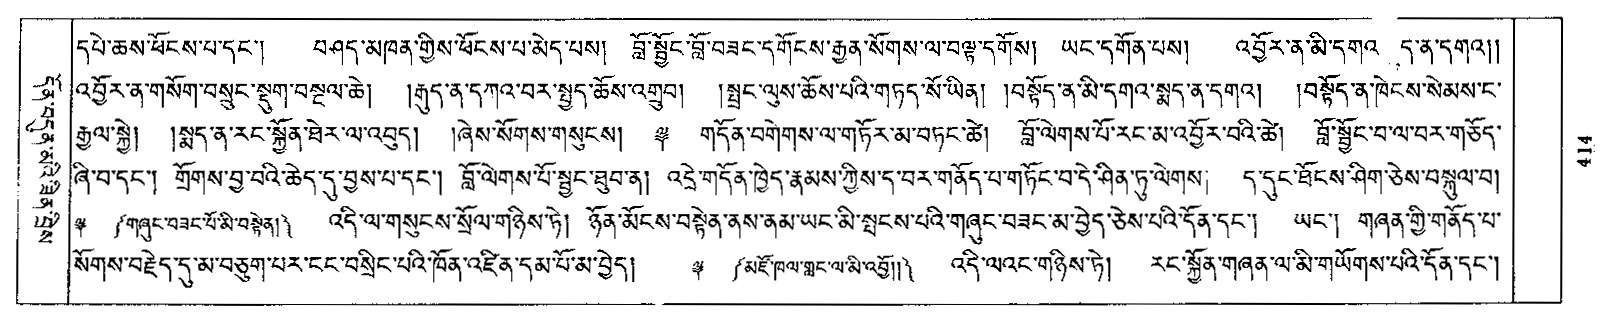དཔེ་ཆས་ཕོངས་པ་དང་། བཤད་མཁན་གྱིས་ཕོངས་པ་མེད་པས། བློ་སྦྱོང་བློ་བཟང་དགོངས་རྒྱན་སོགས་ལ་བལྟ་དགོས། ཡང་དགོན་པས། འབྱོར་ན་མི་དགའ་རྒུད་ན་དགའ།།
འབྱོར་ན་གསོག་བསྲུང་སྡུག་བསྔལ་ཆེ། །རྒུད་ན་དཀའ་བར་སྤྱད་ཆོས་འགྲུབ། །སྤྲང་ལུས་ཆོས་པའི་གཏད་སོ་ཡིན། །བསྟོད་ན་མི་དགའ་སྨད་ན་དགའ། །བསྟོད་ན་ཁེངས་སེམས་ང་
རྒྱལ་སྐྱེ། །སྨད་ན་རང་སྐྱོན་ཐེར་ལ་འབུད། །ཞེས་སོགས་གསུངས། ༈ གདོན་བགེགས་ལ་གཏོར་མ་བཏང་ཚེ། བློ་ལེགས་པོ་རང་མ་འབྱོར་བའི་ཚེ། བློ་སྦྱོང་བ་ལ་བར་གཅོད་
ཞི་བ་དང་། གྲོགས་བྱ་བའི་ཆེད་དུ་བྱས་པ་དང་། བློ་ལེགས་པོ་སྦྱང་ཐུབ་ན། འདྲེ་གདོན་ཁྱེད་རྣམས་ཀྱིས་ད་བར་གནོད་པ་གཏོང་བ་དེ་ཤིན་ཏུ་ལེགས། ད་དུང་ཐོངས་ཤིག་ཅེས་བསྐུལ་བ།
༈ གཞུང་བཟང་པོ་མི་བསྟེན།?་འདི་ལ་གསུངས་སྲོལ་གཉིས་ཏེ། ཉོན་མོངས་བསྟེན་ནས་ནམ་ཡང་མི་སྤངས་པའི་གཞུང་བཟང་མ་བྱེད་ཅེས་པའི་དོན་དང་། ཡང་། གཞན་གྱི་གནོད་པ་
སོགས་བརྗེད་དུ་མ་བཅུག་པར་ངང་བསྲིང་པའི་ཁོན་འཛིན་དམ་པོ་མ་བྱེད། ༈ མཛོ་ཁལ་གླང་ལ་མི་འབྱོ།།?་འདི་ལའང་གཉིས་ཏེ། རང་སྐྱོན་གཞན་ལ་མི་གཡོགས་པའི་དོན་དང་།